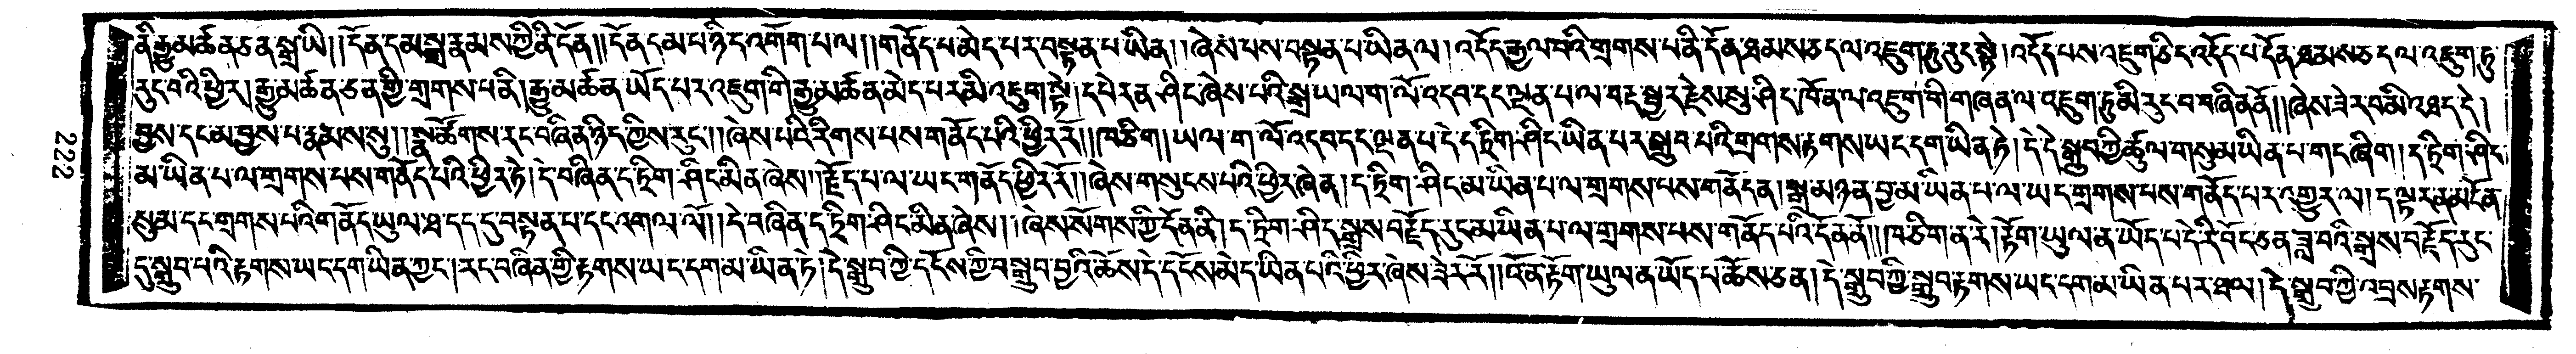མི་རྒྱུ་མཚན་ཅན་སྒྲ་ཡི། །དོན་དམ་སྒྲ་རྣམས་ཀྱི་ནི་དོན། །དོན་དམ་པ་ཉིད་འགོག་པ་ལ། །གནོད་པ་མེད་པར་བསྟན་པ་ཡིན། །ཞེས་པས་བསྟན་པ་ཡིན་ལ། འདོད་རྒྱལ་བའི་གྲགས་པ་ནི་དོན་ཐམས་ཅད་ལ་འཇུག་ཏུ་རུང་སྟེ། འདོད་པས་འཇུག་ཅིང་འདོད་པ་དོན་ཐམས་ཅད་ལ་འཇུག་ཏུ་
རུང་བའི་ཕྱིར། རྒྱུ་མཚན་ཅན་གྱི་གྲགས་པ་ནི། རྒྱུ་མཚན་ཡོད་པར་འཇུག་གི་རྒྱུ་མཚན་མེད་པར་མི་འཇུག་སྟེ། དཔེར་ན་ཤིང་ཞེས་པའི་སྒྲ་ཡལ་ག་ལོ་འདབ་དང་ལྡན་པ་ལ་བརྡ་སྦྱར་རྗེས་སུ་ཤིང་ཁོ་ན་ལ་འཇུག་གི་གཞན་ལ་འཇུག་ཏུ་མི་རུང་བ་བཞིན་ནོ། །ཞེས་ཟེར་བ་མི་འཐད་དེ།
བྱས་དང་མ་བྱས་པ་རྣམས་སུ། །སྣ་ཚོགས་རང་བཞིན་ཉིད་ཀྱིས་རུང་། །ཞེས་པའི་རིགས་པས་གནོད་པའི་ཕྱིར་རོ། །ཁ་ཅིག །ཡལ་ག་ལོ་འདབ་དང་ལྡན་པ་དེ་ད་ཏྲིག་ཤིང་ཡིན་པར་སྒྲུབ་པའི་གྲགས་རྟགས་ཡང་དག་ཡིན་ཏེ། དེ་དེ་སྒྲུབ་ཀྱི་ཚུལ་གསུམ་ཡིན་པ་གང་ཞིག །ད་ཏྲིག་ཤིང་
མ་ཡིན་པ་ལ་གྲགས་པས་གནོད་པའི་ཕྱིར་ཏེ། དེ་བཞིན་ད་ཏྲིག་ཤིང་མིན་ཞེས། །རྗོད་པ་ལ་ཡང་གནོད་ཕྱིར་རོ། །ཞེས་གསུངས་པའི་ཕྱིར་ཞེ་ན། ད་ཏྲིག་ཤིང་མ་ཡིན་པ་ལ་གྲགས་པས་གནོད་ན། སྒྲ་མཉན་བྱ་མ་ཡིན་པ་ལ་ཡང་གྲགས་པས་གནོད་པར་འགྱུར་ལ། དེ་ལྟར་ན་མངོན་
སུམ་དང་གྲགས་པའི་གནོད་ཡུལ་ཐ་དད་དུ་བསྟན་པ་དང་འགལ་ལོ། །དེ་བཞིན་ད་ཏྲིག་ཤིང་མིན་ཞེས། །ཞེས་སོགས་ཀྱི་དོན་ནི། ད་ཏྲིག་ཤིང་སྒྲས་བརྗོད་རུང་མ་ཡིན་པ་ལ་གྲགས་པས་གནོད་པའི་དོན་ནོ། །ཁ་ཅིག་ན་རེ། རྟོག་ཡུལ་ན་ཡོད་པ་དེ་རི་བོང་ཅན་ཟླ་བའི་སྒྲས་བརྗོད་རུང་
དུ་སྒྲུབ་པའི་རྟགས་ཡང་དག་ཡིན་ཀྱང་། རང་བཞིན་གྱི་རྟགས་ཡང་དག་མ་ཡིན་ཏེ། དེ་སྒྲུབ་ཀྱི་དངོས་ཀྱི་བསྒྲུབ་བྱའི་ཆོས་དེ་དངོས་མེད་ཡིན་པའི་ཕྱིར་ཞེས་ཟེར་རོ། །འོ་ན་རྟོག་ཡུལ་ན་ཡོད་པ་ཆོས་ཅན། དེ་སྒྲུབ་ཀྱི་སྒྲུབ་རྟགས་ཡང་དག་མ་ཡིན་པར་ཐལ། དེ་སྒྲུབ་ཀྱི་འབྲས་རྟགས་